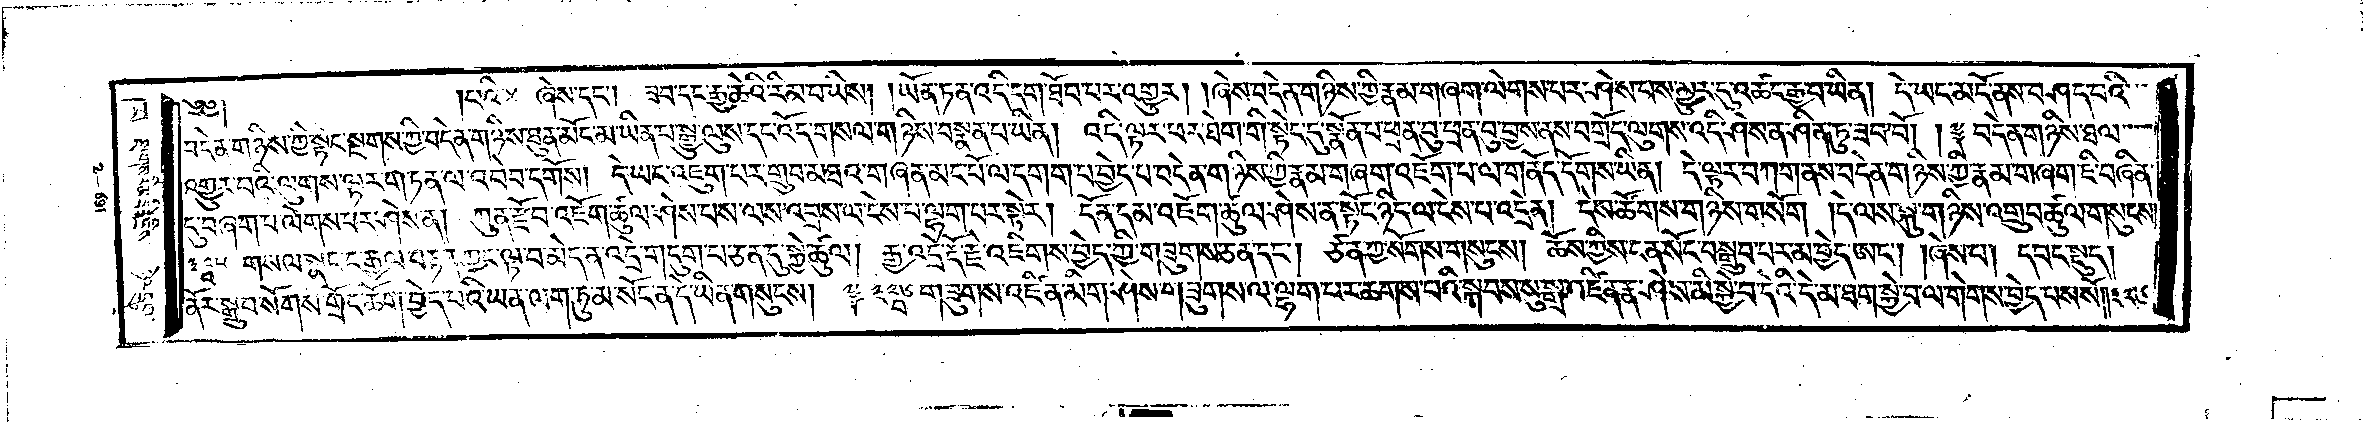༄༅། །པའི་྾་ཞེས་དང་། ཟབ་དང་རྒྱ་ཆེའི་རིམ་པ་ཡིས། །ཡོན་ཏན་འདི་དག་ཐོབ་པར་འགྱུར། །ཞེས་བདེན་གཉིས་ཀྱི་རྣམ་གཞག་ལེགས་པར་ཤེས་པས་མྱུར་དུ་འཚང་རྒྱ་བ་ཡིན། དེ་ཡང་མདོ་ནས་བཤད་པའི་
བདེན་གཉིས་ཀྱི་སྟེང་སྔགས་ཀྱི་བདེན་གཉིས་ཐུན་མོང་མ་ཡིན་པ་སྒྱུ་ལུས་དང་འོད་གསལ་གཉིས་བསྣན་པ་ཡིན། འདི་ལྟར་ཕར་ཐེག་གི་སྟེང་དུ་སྣོན་པ་ཕྲན་བུ་ཕྲན་བུ་བྱས་ནས་བགྲོད་ལུགས་འདི་ཤེས་ན་ཤིན་ཏུ་ཟབ་བོ། ། ༈ བདེན་གཉིས་ཐལ་
འགྱུར་བའི་ལུགས་ལྟར་གཏན་ལ་འབེབ་དགོས། དེ་ཡང་འཇུག་པར་གྲུབ་མཐའ་གཞན་མང་པོ་ལ་དགག་པ་བྱེད་པ་བདེན་གཉིས་ཀྱི་རྣམ་གཞག་འཇོག་པ་ལ་གནོད་དོགས་ཡིན། དེ་ལྟར་བཀག་ནས་བདེན་གཉིས་ཀྱི་རྣམ་གཞག་ཇི་བཞིན་
དུ་བཞག་པ་ལེགས་པར་ཤེས་ན། ཀུན་རྫོབ་འཇོག་ཚུལ་ཤེས་པས་ལས་འབྲས་ལ་ངེས་པ་ལྷག་པར་སྟེར། དོན་དམ་འཇོག་ཚུལ་ཤེས་ན་སྟོང་ཉིད་ལ་ངེས་པ་འདྲེན། དེས་ཚོགས་གཉིས་གསོག །དེ་ལས་སྐུ་གཉིས་འགྲུབ་ཚུལ་གསུངས།
༣༢༥བ་གསལ་སྣང་ང་རྒྱལ་བརྟན་ཀྱང་ལྟ་བ་མེད་ན་འདྲེ་གདུག་པ་ཅན་དུ་སྐྱེ་ཚུལ། རྒྱ་འདྲེ་རྡོ་རྗེ་འཇིགས་བྱེད་ཀྱི་གཟུགས་ཅན་དང་། ཙན་ཀྱ་སོགས་གསུངས། ཆོས་ཀྱིས་ངན་སོང་བསྒྲུབ་པར་མ་བྱེད་ཨང་། །ཞེས་པ། དབང་སྡུད།
ནོར་སྒྲུབ་སོགས་གྲོང་ཆོག་བྱེད་པའི་ཡན་ལག་ཏུ་མ་སོང་ན་དེ་ཡིན་གསུངས། ༈ ༣༢༦བ་གཟུགས་འཛིན་མིག་ཤེས་གཟུགས་ལ་ལྷག་པར་ཆགས་བའི་སྐབས་སུ་སྒྲ་འཛིན་རྣ་ཤེས་མི་སྐྱེ་བ་དེའི་དེ་མ་ཐག་སྐྱེ་བ་ལ་གེགས་བྱེད་པས་སོ། །༣༢༦